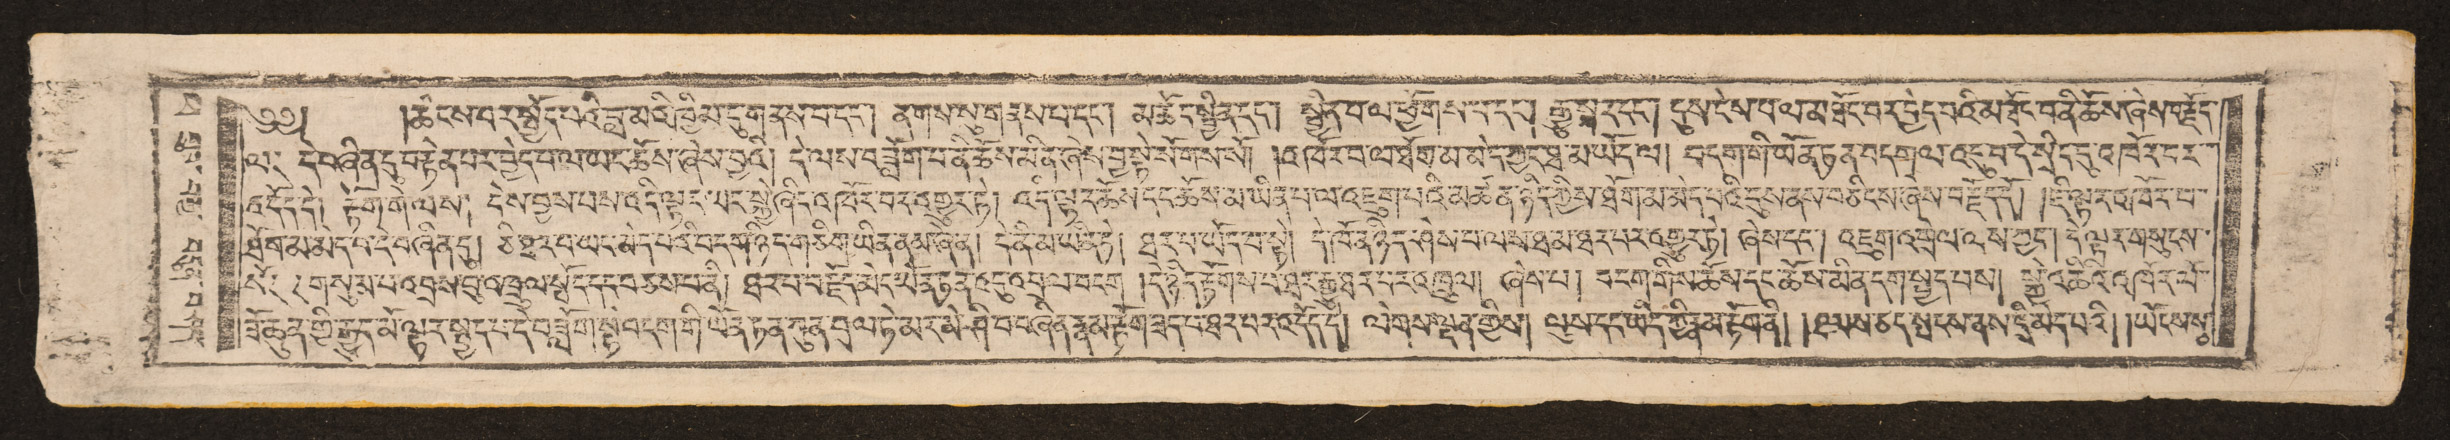༄༅། །ཚངས་པར་སྦྱོད་པའི་བླ་མའི་ཁྱིམ་དུ་གནས་པ་དང་། ནགས་སུ་གནས་པ་དང་། མཆོད་སྦྱིན་དང་། སྦྱིན་པ་ལ་ཕྱོགས་པ་དང་། རྒྱུ་སྐར་དང་། དུས་ངེས་པ་ལ་མཐོང་བར་བྱེད་པའི་མཐོང་བ་ནི་ཆོས་ཞེས་བརྗོད་
ལ༑ དེ་བཞིན་དུ་བརྟེན་པར་བྱེད་པ་ལ་ཡང་ཆོས་ཞེས་བྱའི། དེ་ལས་བཟློག་པ་ནི་ཆོས་མིན་ཞེས་བྱ་སྟེ་སོགས་སོ། །འཁོར་བ་ལ་ཐོག་མ་མེད་ཀྱང་ཐ་མ་ཡོད་ལ། བདག་གི་ཡོན་ཏན་བདག་ལ་འདུ་བ་དེ་སྲིད་དུ་འཁོར་བར་
འདོད་དེ། རྟོག་གེ་ལས། དེས་བྱས་པས་འདི་ལྟར་ཡང་སྐྱེ་ཞིང་འཁོར་བར་འགྱུར་ཏེ། འདི་ལྟར་ཆོས་དང་ཆོས་མ་ཡིན་པ་ལ་འཇུག་པའི་མཚན་ཉིད་ཀྱིས་ཐོག་མ་མེད་པའི་དུས་ནས་བཅིངས་ཞེས་བརྗོད་དོ། །ཇི་ལྟར་འཁོར་བ་
ཐོག་མ་མེད་པ་དེ་བཞིན་དུ། ཅི་ཐར་པ་ཡང་མེད་པའི་བདག་ཉིད་གཅིག་ཡིན་ནམ་ཞེ་ན། དེ་ནི་མ་ཡིན་ཏེ། ཐར་པ་ཡོད་པ་སྟེ། དེ་ཁོ་ན་ཉིད་ཤེས་པ་ལས་ཐ་མ་ཐར་པར་འགྱུར་ཏེ། ཞེས་དང་། འཇུག་འགྲེལ་ལས་ཀྱང་། དེ་ལྟར་གསུངས་
སོ༑ ༑གསུམ་པ་འབྲས་བུ་འཁྲུལ་སྤོད་དང་བཅས་པ་ནི། ཐར་པ་བརྗོད་མེད་ཡོན་ཏན་འདུ་འབྲལ་བདག །དེ་ཉིད་རྟོགས་པ་ཐར་རྒྱུ་ཐར་པར་འཁྲུལ། ཞེས་པ། བདག་གིས་ཆོས་དང་ཆོས་མིན་དག་སྤྱད་པས། སྐྱེ་འཆིའི་འཁོར་ལོ་
ཟོ་ཆུན་གྱི་རྒྱུད་མོ་ལྟར་སྤྱད་པ་དེ་བཟློག་སྟེ་བདག་གི་ཡོན་ཏན་ཀུན་བྲལ་ཏེ་མར་མེ་ཤི་བ་བཞིན་རྣམ་རྟོག་ཟད་པ་ཐར་པར་འདོད་དེ། ལེགས་ལྡན་གྱིས། ལུས་དང་ཡིད་ཀྱི་རྣམ་རྟོག་ནི། །ཐམས་ཅད་སྤངས་ནས་དྲི་མེད་པའི། །ཡོངས་སུ་